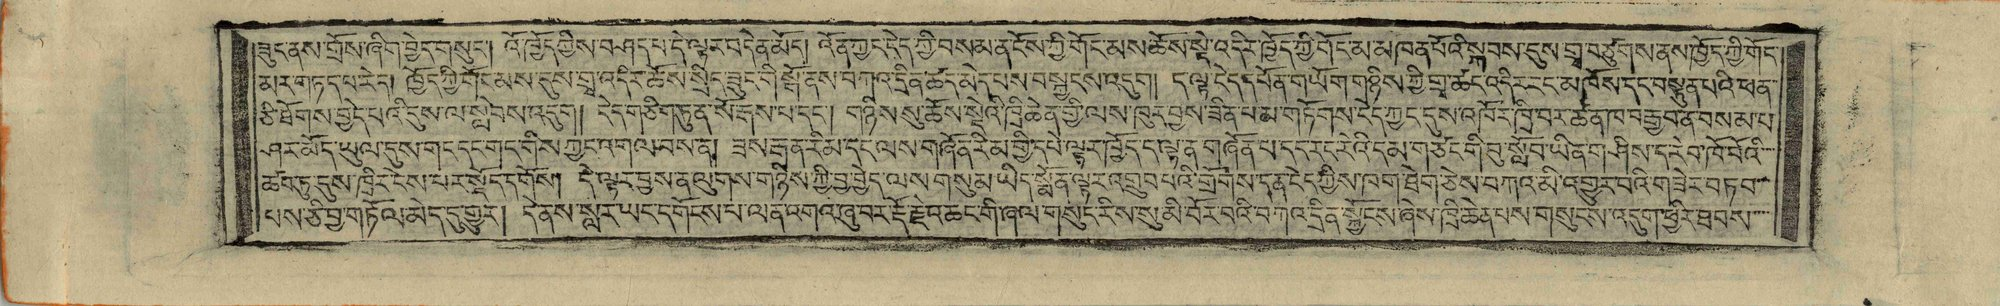ཟུང་ནས་གྲོས་ཞིག་བྱེད་གསུང་། འོ་ཁྱོད་ཀྱིས་བཤད་པ་དེ་ལྟར་བདེན་མོད། འོན་ཀྱང་ངེད་ཀྱི་བསམ་ན་ངོས་ཀྱི་གོང་མས་ཆོས་སྡེ་འདིར་ཁྱོད་ཀྱི་གོང་མ་མཁན་པོའི་སྐབས་དུས་གྲྭ་བཙུགས་ནས་ཁྱོད་ཀྱི་གོང་
མར་གཏད་པ་རེད། ཁྱོད་ཀྱི་གོང་མས་དུས་གྲྭ་འདིར་ཆོས་སྲིད་ཟུང་གི་སྒོ་ནས་བཀའ་དྲིན་ཚད་མེད་པས་བསྐྱངས་འདུག །ད་ལྟ་ངེད་དཔོན་གཡོག་གཉིས་ཀྱི་གྲྭ་ཚང་འདིར་རང་མཁོས་དང་བསྟུན་པའི་ཕན་
ཅི་ཐོགས་བྱེད་པའི་དུས་ལ་སླེབས་འདུག །ངེད་གཅིག་ཏུན་སོ་རྒས་པ་དང་། གཉིས་སུ་ཆོས་སྡེའི་ཁྲི་ཆེན་གྱི་ལས་ཁུར་བྱས་ཟིན་པ་མ་གཏོགས་ངེད་ཀྱང་དུས་འཁོར་ཁྲི་བར་ཚན་ཁ་བརྒྱབ་ན་བསམ་པ་
ཤར་མོད་ཡུལ་དུས་གང་དང་གང་གིས་ཀྱང་འགལ་བས་ན། ཟས་རྒན་རིམ་དང་ལས་གཞོན་རིམ་གྱི་དཔེ་ལྟར་ཁྱོད་ད་ལྟ་ན་གཞོན་པ་དང་རང་རེའི་དམ་གཙང་གི་བུ་སློབ་ཡིན་གཤིས་ད་རེ་བ་ཁོ་བོའི་
ཚབ་ཏུ་དུས་ཁྲིར་ངེས་པར་སྡོད་དགོས། དེ་ལྟར་བྱས་ན་ལུགས་གཉིས་ཀྱི་བྱ་བྱེད་ལས་གསུམ་ཡིད་སྨོན་ལྟར་འགྲུབ་པའི་གྲོགས་དན་ངེད་ཀྱིས་ཁག་ཐེག་ཅེས་བཀའ་མི་འགྱུར་བའི་གཟེར་བཏབ་
པས་ཅི་བྱ་གཏོལ་མེད་དུ་གྱུར། དེ་ནས་སླར་ཡང་དགོངས་པ་ལན་འགའ་ཞུ་བར་རྡོ་རྗེ་འཆང་གི་ཞལ་གསུང་རིས་སུ་མི་བོར་བའི་བཀའ་དྲིན་སྦྱོངས་ཞེས་ཁྲི་ཆེན་པས་གསུངས་འདུག་ཕྱིར་ཐབས་